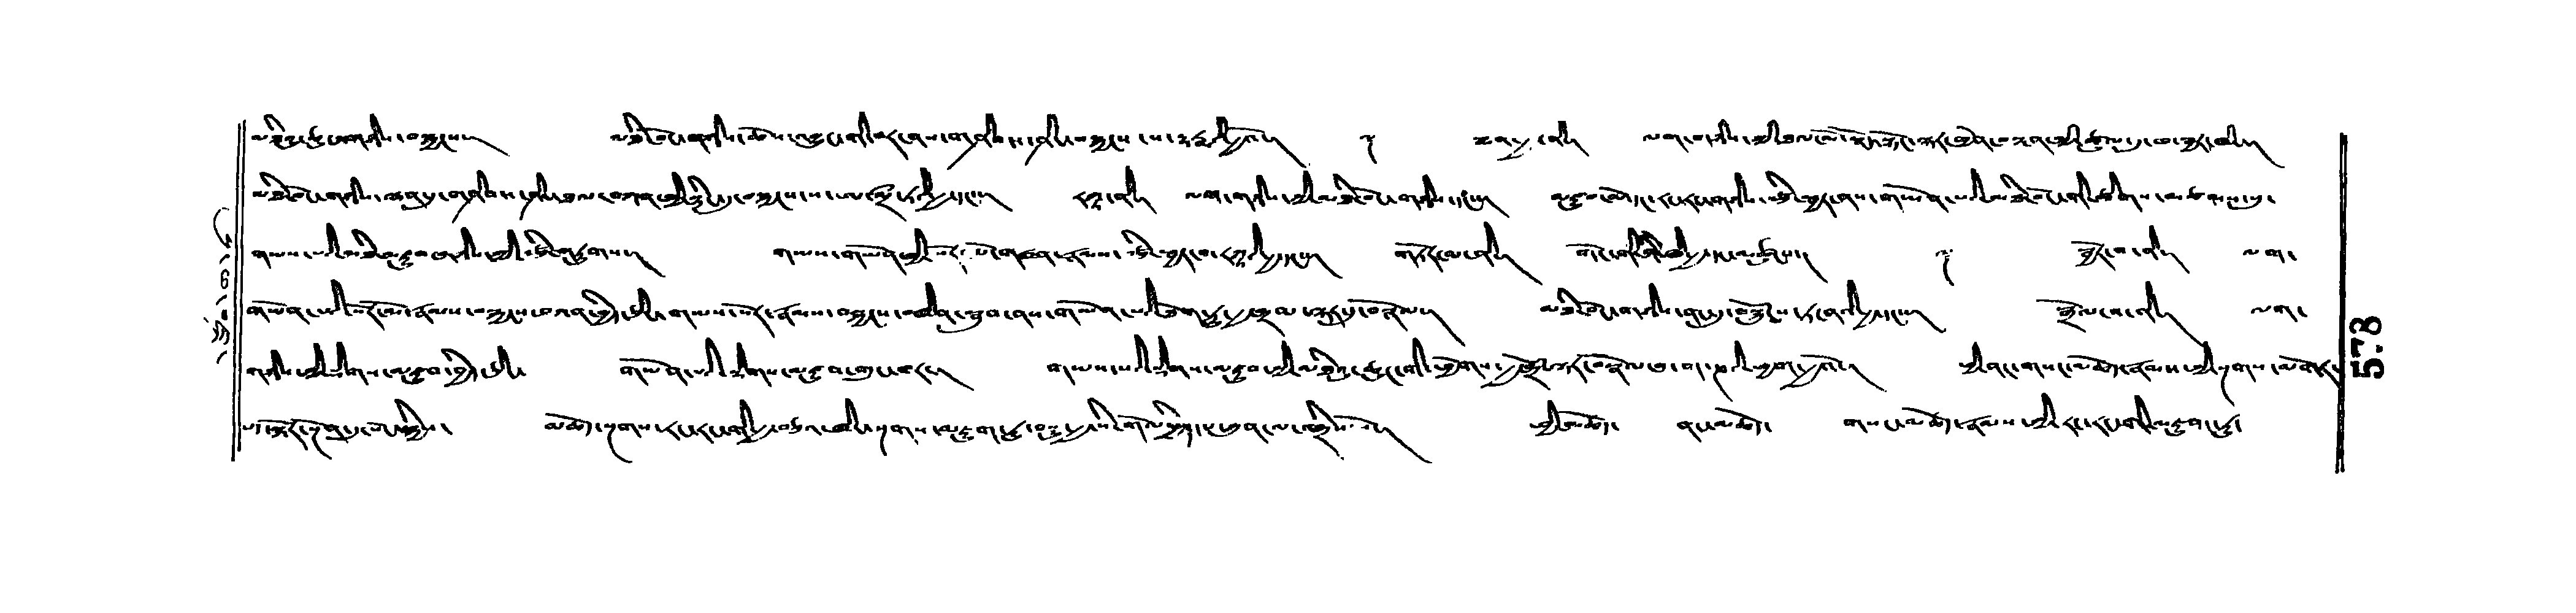མཐེའུ་ཆུང་གཉིས་བརྐྱངས། མཐེ་བོང་གཉིས་ཆོས་འབྱུང་གི་བར་ནས་བཤིབས་ཤིང་བརྐྱངས་པ་དྷརྨའི་རྒྱའོ། ༈ སྨན་རྒྱ་ནི། ལག་གཉིས་ཀྱི་ཐལ་མོ་སྣོད་སྟོང་གྱེན་བསྟན་གྱི་ཚུལ་དུ་ཁ་སྦྱར་ཞིང་། 
མཐེ་བོང་གཉིས་ལྷན་དུ་བཤིབས་ཤིང་ཐལ་བཀན་གྱི་སྟེང་དུ་བརྐྱངས་པ་ཨ་མྲི་ཏའི་རྒྱ་དང་། རཀྟ་ནི། ལག་གཉིས་ཀྱི་མཐེ་བོང་གཉིས་དང་། མཛུབ་མོ་དང་རང་རང་གཉིས་རྩེ་གྱར་ནས་གཡོན་པའི་མཐེ་བོང་གི་ཚིགས་མཚམས་སུ་
གསལ་པའི་མཐེབ་མཛུབ་གཉིས་ཀྱི་རྩེ་གཏུགས། གཡས་གཡོན་གྱི་སོར་མོ་གཞན་རྣམས་རྩེ་སྦྱར་བརཀྟའི་རྒྱ་དང་། གཏོར་མ་ནི། གོང་གི་ནཻ་ཝའི་རྒྱ་དང་མཚུངས། ༈ སྦྱོར་བ་ནི། ལག་
གཡོན་པའི་སོར་མོ་རྣམས་བརྐྱངས་བཀན་བྱེད་ཅིང་གཡས་སོར་རྣམས་བསྐྱངས་བཞིན་སྦུབ་ནས་གཡོན་པའི་ཐོག་ཏུ་རྒྱ་གྲམ་ལྟར་དུ་བསྣོལ། མཐེ་བོང་གཉིས་ནང་དུ་བསྐུམས་པ་ཏ་ནའི་རྒྱ་དང་། སྒྲོལ་བ་ནི། ལག་
གཉིས་ཀྱིས་སྡིགས་མཛུབ་བྱེད་ཅིང་། གཡོན་པའི་སྡིགས་མཛུབ་ཁར། གཡས་པའི་སྡིགས་མཛུབ་ཀྱི་མཐེའུ་ཆུང་གི་ཕྱོགས་རྒྱ་གྲམ་ལྟར་བསྣོལ་བ་ག་ཎའི་ཕྱག་རྒྱའོ། ཕྱི་ནང་གསང་མཆོད་རྣམས་ཀྱི་སྔགས་མགོར་
པད་སྐོར་སྔོན་དུ་སོང་ནས། མཆོད་སྔགས་རང་རང་གི་རྒྱ་བཅའ་ཞིང་སྔགས་མཇུག་ཏུ་བསྡུ་རྒྱ་སེ་གོལ་བྱེད་པ་ཀུན་ལ་འགྲེས་སོ། ཕྱི་མཆོད། ནང་མཆོད། གསང་མཆོད་རྣམས་ཀྱི་རང་རང་གི་མཇུག་ཏུ་